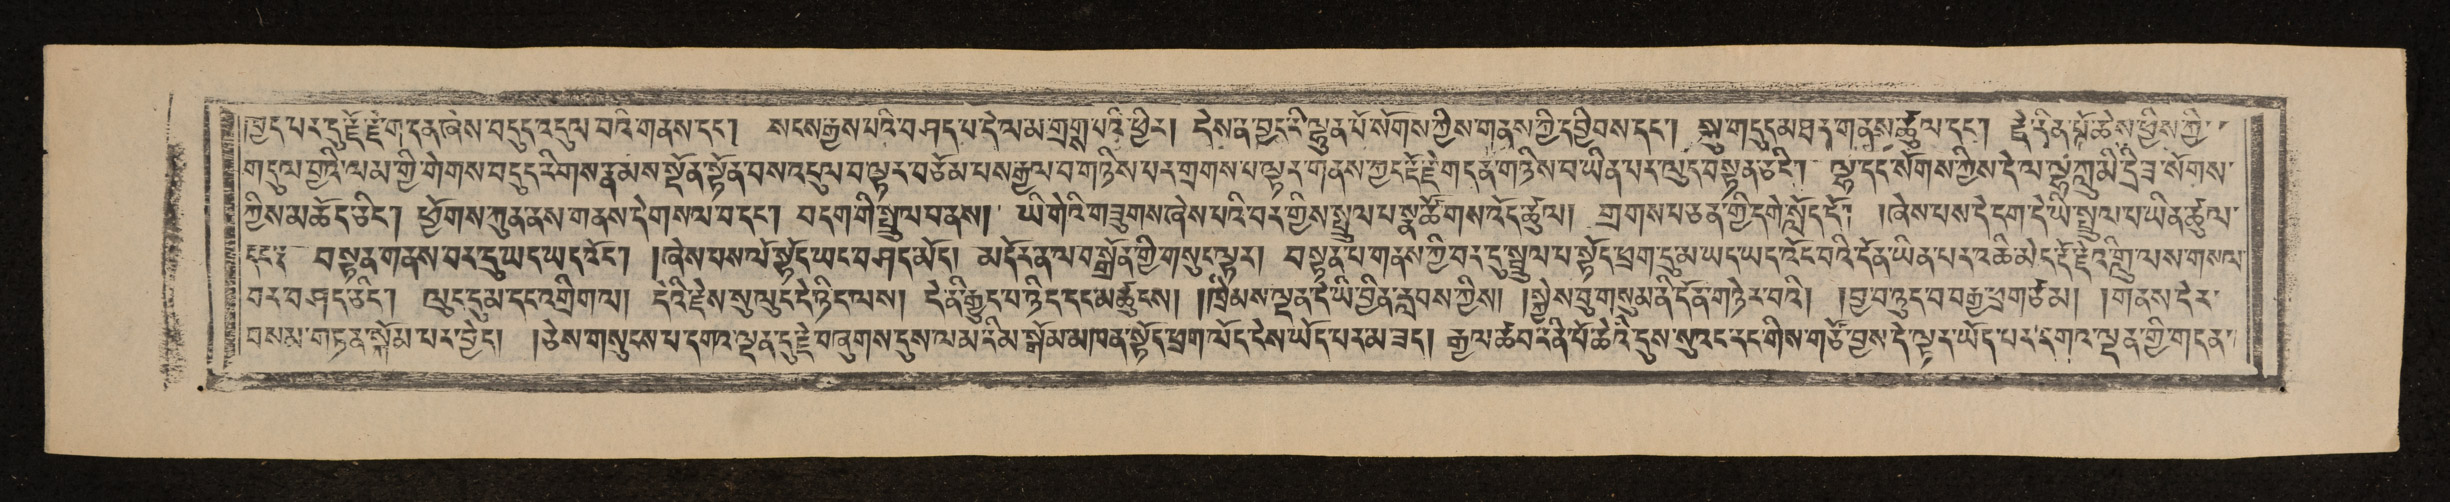ཁྱད་པར་དུ་རྡོ་རྗེ་གདན་ཞེས་བདུད་འདུལ་བའི་གནས་དང་། སངས་རྒྱས་པའི་བཤད་པ་དེ་ལམ་གྲགས་པའི་ཕྱིར། དེས་ན་བྱང་རི་ལྷུན་པོ་སོགས་ཀྱིས་གནས་ཀྱི་དབྱིབས་དང་། སྐུ་གདུང་མཐར་གནས་ཚུལ་དང་། རྗེ་རིན་པོ་ཆེས་ཕྱིས་ཀྱི་
གདུལ་བྱའི་ལམ་གྱི་གེགས་བདུད་རིགས་རྣམས་སྔོན་སྟོན་པས་འདུལ་བ་ལྟར་བཅོམ་པས་རྒྱལ་བ་གཉིས་པར་གྲགས་པ་ལྟར་གནས་ཀྱང་རྡོ་རྗེ་གདན་གཉིས་པ་ཡིན་པར་ལུང་བསྟན་ཅིང་། ལྷ་དང་སོགས་ཀྱིས་དེ་ལ་ལྷ་ཀླུ་མི་དྲི་ཟ་སོགས་
ཀྱིས་མཆོད་ཅིང་། ཕྱོགས་ཀུན་ནས་གནས་དེ་གསལ་བ་དང་། བདག་གི་སྤྲུལ་བ་ནས། ཡི་གེའི་གཟུགས་ཞེས་པའི་བར་གྱིས་སྤྲུལ་པ་སྣ་ཚོགས་འོང་ཚུལ། གྲགས་པ་ཅན་གྱི་དགེ་སློང་ངོ། །ཞེས་པས་དེ་དག་དེ་ཡི་སྤྲུལ་པ་ཡིན་ཚུལ་
དང༑ བསྟན་གནས་བར་དུ་ཡང་ཡང་འོང་། །ཞེས་པས་ལོ་སྟོང་ཡང་བཤད་མོད། མདོར་ན་ལབ་སྒྲོན་གྱི་གསུང་ལྟར། བསྟན་པ་གནས་ཀྱི་བར་དུ་སྤྲུལ་པ་སྟོང་ཕྲག་དུ་མ་ཡང་ཡང་འོང་བའི་དོན་ཡིན་པར་འཆི་མེད་རྡོ་རྗེའི་གླུ་ལས་གསལ་
བར་བཤད་ཅིང་། ལུང་དུ་མ་དང་འགྲིག་ལ། དེའི་རྗེས་སུ་ལུང་དེ་ཉིད་ལས། དེ་ནི་རྒྱུད་པ་ཉིད་དང་མཚུངས། །ཁྲིམས་ལྡན་དེ་ཡི་བྱིན་རླབས་ཀྱིས། །སྐྱེས་བུ་གསུམ་ནི་དོན་གཉེར་བའི། །བྱ་བ་ཉུང་བ་བརྒྱ་ཕྲག་ཙམ། །གནས་དེར་
བསམ་གཏན་སྒོམ་པར་བྱེད། །ཅེས་གསུངས་པ་དགའ་ལྡན་དུ་རྗེ་བཞུགས་དུས་ལམ་རིམ་སྒོམ་མཁན་སྟོང་ཕྲག་ལོང་ངེས་ཡོད་པར་མ་ཟད། རྒྱལ་ཚབ་རིན་པོ་ཆེའི་དུས་སུའང་རང་གིས་གཙོ་བྱས་དེ་ལྟར་ཡོད་པར་དགའ་ལྡན་གྱི་གདན་